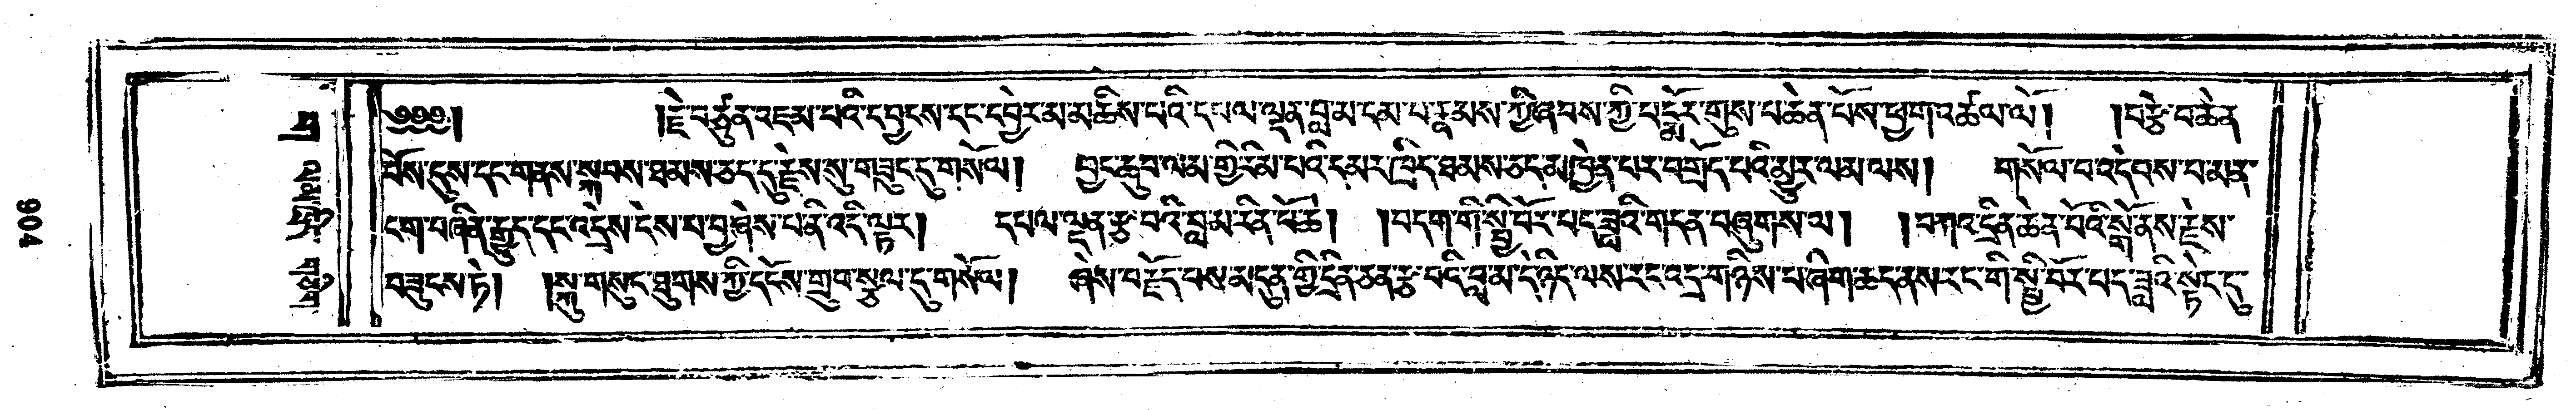༄༅༅། །རྗེ་བཙུན་འཇམ་པའི་དབྱངས་དང་དབྱེར་མ་མཆིས་པའི་དཔལ་ལྡན་བླ་མ་དམ་པ་རྣམས་ཀྱི་ཞབས་ཀྱི་པདམོར་གུས་པ་ཆེན་པོས་ཕྱག་འཚལ་ལོ། །བརྩེ་བ་ཆེན་
པོས་དུས་དང་གནས་སྐབས་ཐམས་ཅད་དུ་རྗེས་སུ་གཟུང་དུ་གསོལ། བྱང་ཆུབ་ལམ་གྱི་རིམ་པའི་དམར་ཁྲིད་ཐམས་ཅད་མཁྱེན་པར་བགྲོད་པའི་མྱུར་ལམ་ལས། གསོལ་བ་འདེབས་པ་མན་
ངག་བཞིན་རྒྱུད་དང་འདྲེས་ངེས་པ་བྱ་ཞེས་པ་ནི་འདི་ལྟར། དཔལ་ལྡན་རྩ་བའི་བླ་མ་རིན་པོ་ཆེ། །བདག་གི་སྤྱི་བོར་པད་ཟླའི་གདན་བཞུགས་ལ། །བཀའ་དྲིན་ཆེན་པོའི་སྒོ་ནས་རྗེས་
བཟུངས་ཏེ། །སྐུ་གསུང་ཐུགས་ཀྱི་དངོས་གྲུབ་སྩལ་དུ་གསོལ། ཞེས་བརྗོད་པས་མདུན་གྱི་དྲིན་ཅན་རྩ་བའི་བླ་མ་དེ་ཉིད་ལས་རང་འདྲ་གཉིས་པ་ཞིག་ཆད་ནས་རང་གི་སྤྱི་བོར་པད་ཟླའི་སྟེང་དུ་